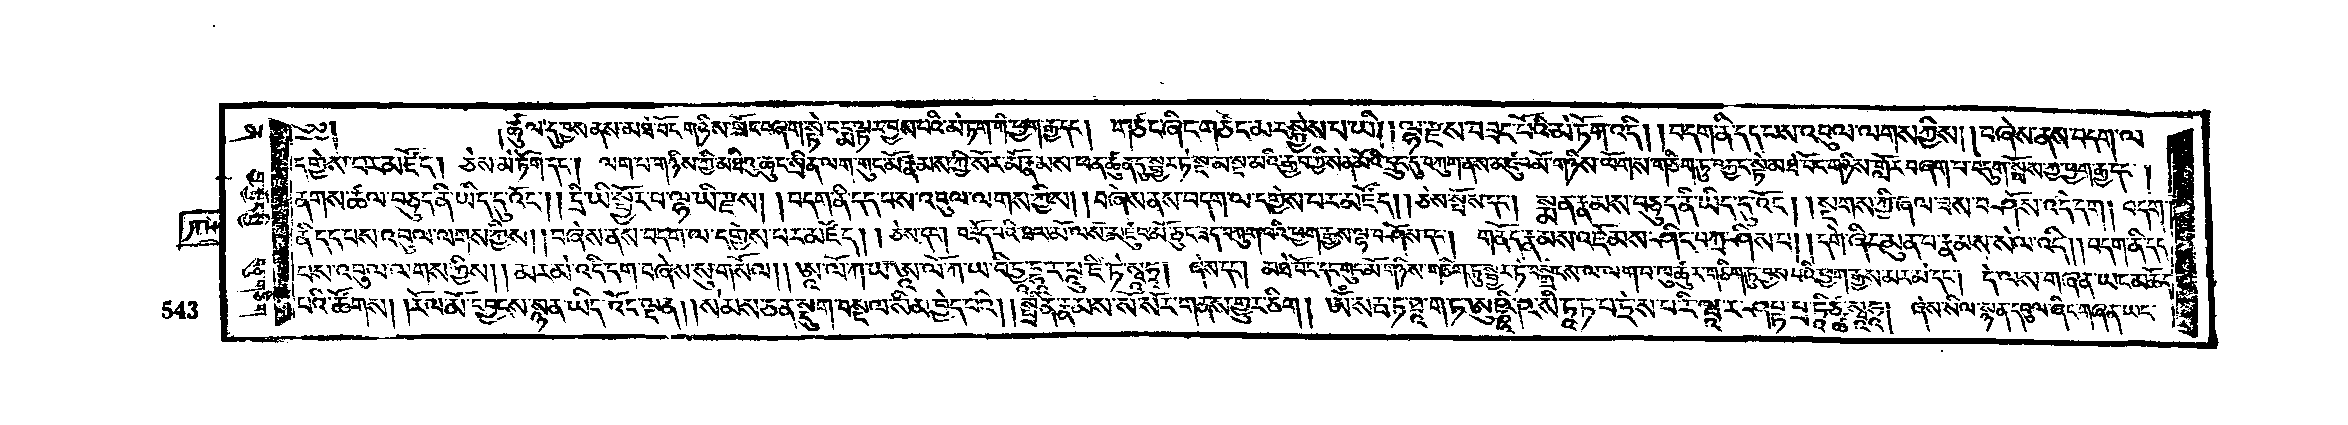༄༅། ། ཚུལ་དུ་བྱས་ནས་མཐེ་བོང་གཉིས་གློར་བཞག་སྟེ་པདམ་ལྟར་བྱས་པའི་མེ་ཏོག་གི་ཕྱག་རྒྱ་དང། གཙང་ཞིང་གཙང་མར་སྐྱེས་པ་ཡི། །ལྷ་རྫས་བཟང་པོའི་མེ་ཏོག་འདི། །བདག་ནི་དད་པས་འབུལ་ལགས་ཀྱིས། །བཞེས་ནས་བདག་ལ་
དགྱེས་པར་མཛོད། ཅེས་མེ་ཏོག་དང་། ལག་པ་གཉིས་ཀྱི་མཐིའུ་ཆུང་སྲིན་ལག་གུང་མོ་རྣམས་ཀྱི་སོར་མོ་རྣམས་ཕན་ཚུན་དུ་སྦྱར་ཏེ་སྔ་མ་སྔ་མའི་རྒྱབ་ཀྱི་སེན་མོའི་དྲུང་དུ་བཀུག་ནས་མཛུབ་མོ་གཉིས་ལོགས་གཅིག་ཏུ་བརྐྱང་སྟེ་མཐེ་བོང་གཉིས་གློར་བཞག་པ་བདུག་སྤོས་ཀྱི་ཕྱག་རྒྱ་དང།
ནགས་ཚལ་བཅུད་ནི་ཡིད་དུ་འོང་། །དྲི་ཡི་སྦྱོར་བ་ལྷ་ཡི་རྫས། །བདག་ནི་དད་པས་འབུལ་ལགས་ཀྱིས། །བཞེས་ནས་བདག་ལ་དགྱེས་པར་མཛོད། ། ཅེས་སྤོས་དང། སྨན་རྣམས་བཅུད་ནི་ཡིད་དུ་འོང་། །སྔགས་ཀྱི་ཞལ་ཟས་བཤོས་འདེ་དག །བདག་
ནི་དད་པས་འབུལ་ལགས་ཀྱིས། །བཞེས་ནས་བདག་ལ་དགྱེས་པར་མཛོད། ། ཅེས་དང་། བཟེད་པའི་ཐལ་མོ་ལས་མཛུབ་མོ་ཅུང་ཟད་བཀུག་པའི་ཕྱག་རྒྱས་ལྷ་བཤོས་དང། གནོད་རྣམས་འཇོམས་ཤིང་བཀྲ་ཤིས་པ། །དགེ་ཞིང་མུན་པ་རྣམས་སེལ་འདི། །བདག་ནི་དད་
པས་འབུལ་ལགས་ཀྱིས། །མར་མེ་འདི་དག་བཞེས་སུ་གསོལ། །ཨཱ་ལོ་ཀ་ཡ་ཨཱ་ལོ་ཀ་ཡ་བི་དྱཱ་དྷཱ་ར་པཱུ་ཛི་ཏེ་སྭཱཧཱ། ཞེས་དང་། མཐེ་བོང་དང་གུང་མོ་གཉིས་གཅིག་ཏུ་སྦྱར་ཏེ་བསྒྲེངས་ལ་ལག་པ་ཁུ་ཚུར་གཅིག་ཏུ་བྱས་པའི་ཕྱག་རྒྱས་པར་མེ་དང། དེ་ལས་གཞན་ཡང་མཆོད་
པའི་ཚོགས། །རོལ་མོ་དབྱངས་སྙན་ཡིད་འོང་ལྡན། །སེམས་ཅན་སྡུག་བསྔལ་སིམ་བྱེད་པའི། །སྤྲ་ན་རྣམས་སོ་སོར་གནས་གྱུར་ཅིག །ཨོཾ་སརྦ་ཏ་ཐཱ་ག་ཏ་ཨུཥྞཱི་ཥ་སི་ཏཱ་ཏ་པ་ཏྲེ་ས་པ་རི་ཝཱ་ར་ཤཔྟ་པྲ་ཏཱིཙྪ་སྭཱཧཱ། ཞེས་སིལ་སྙན་དབུལ་ཞིང་གཞན་ཡང་